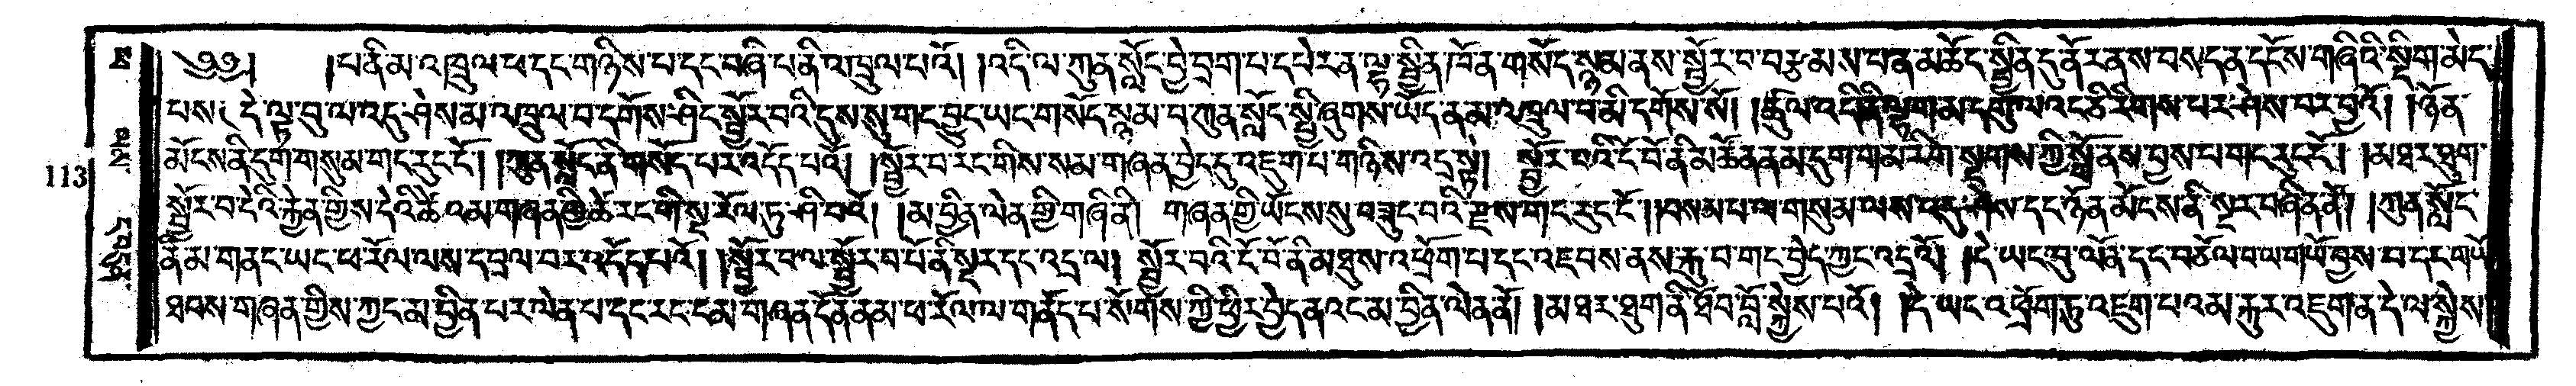༄༅། །པ་ནི་མ་འཁྲུལ་ཕ་དང་གཉིས་པ་དང་བཞི་པ་ནི་འཁྲུལ་པའོ། །འདི་ལ་ཀུན་སློང་བྱེ་བྲག་པ་དཔེར་ན་ལྷ་སྦྱིན་ཁོ་ན་གསོད་སྙམ་ནས་སྦྱོར་བ་བརྩམས་པ་ན་མཆོད་སྦྱིན་དུ་ནོར་ནས་བསད་ན་དངོས་གཞིའི་སྡིག་མེད་
པས༑ དེ་ལྟ་བུ་ལ་འདུ་ཤེས་མ་འཁྲུལ་བ་དགོས་ཤིང་སྦྱོར་བའི་དུས་སུ་གང་བྱུང་ཡང་གསོད་སྙམ་པ་ཀུན་སློང་སྤྱི་ཞུགས་ཡོད་ན་མ་འཁྲུལ་བ་མི་དགོས་སོ། །ཚུལ་འདི་ནི་ལྷག་མ་དགུ་ལའང་ཅི་རིགས་པར་ཤེས་པར་བྱའོ། །ཉོན་
མོངས་ནི་དུག་གསུམ་གང་རུང་ངོ། །ཀུན་སློང་ནི་གསོད་པར་འདོད་པའོ། །སྦྱོར་བ་རང་གིས་སམ་གཞན་བྱེད་དུ་འཇུག་པ་གཉིས་འདྲ་སྟེ། སྦྱོར་བའི་ངོ་བོ་ནི་མཚོན་ནམ་དུག་གམ་རིག་སྔགས་ཀྱི་སྒོ་ནས་བྱས་པ་གང་རུང་ངོ ། །མཐར་ཐུག་
སྦྱོར་བ་དེའི་རྐྱེན་གྱིས་དེའི་ཚེའམ་གཞན་གྱི་ཚེ་རང་གི་སྔ་རོལ་ཏུ་ཤི་བའོ། །མ་བྱིན་ལེན་གྱི་གཞི་ནི། གཞན་གྱི་ཡོངས་སུ་བཟུང་བའི་རྫས་གང་རུང་ངོ ། །བསམ་པ་ལ་གསུམ་ལས་འདུ་ཤེས་དང་ཉོན་མོངས་ནི་སྔར་བཞིན་ནོ། །ཀུན་སློང་
ནི་མ་གནང་ཡང་ཕ་རོལ་ལས་དབྲལ་བར་འདོད་པའོ། །སྦྱོར་བ་ལ་སྦྱོར་བ་པོ་ནི་སྔར་དང་འདྲ་ལ། སྦྱོར་བའི་ངོ་བོ་ནི་མཐུས་འཕྲོག་པ་དང་འཇབས་ནས་རྐུ་བ་གང་བྱེད་ཀྱང་འདྲའོ། །དེ་ཡང་བུ་ལོན་དང་བཅོལ་བ་ལ་གཡོ་བྱས་བ་དང་གཡོ་
ཐབས་གཞན་གྱིས་ཀྱང་མ་བྱིན་པར་ལེན་པ་དང་རང་ངམ་གཞན་དོན་ནམ་ཕ་རོལ་ལ་གནོད་པ་སོགས་ཀྱི་ཕྱིར་བྱེད་ནའང་མ་བྱིན་ལེན་ནོ། །མཐར་ཐུག་ནི་ཐོབ་བློ་སྐྱེས་པའོ། །དེ་ཡང་འཕྲོག་ཏུ་འཇུག་པའམ་རྐུར་འཇུག་ན་དེ་ལ་སྐྱེས་